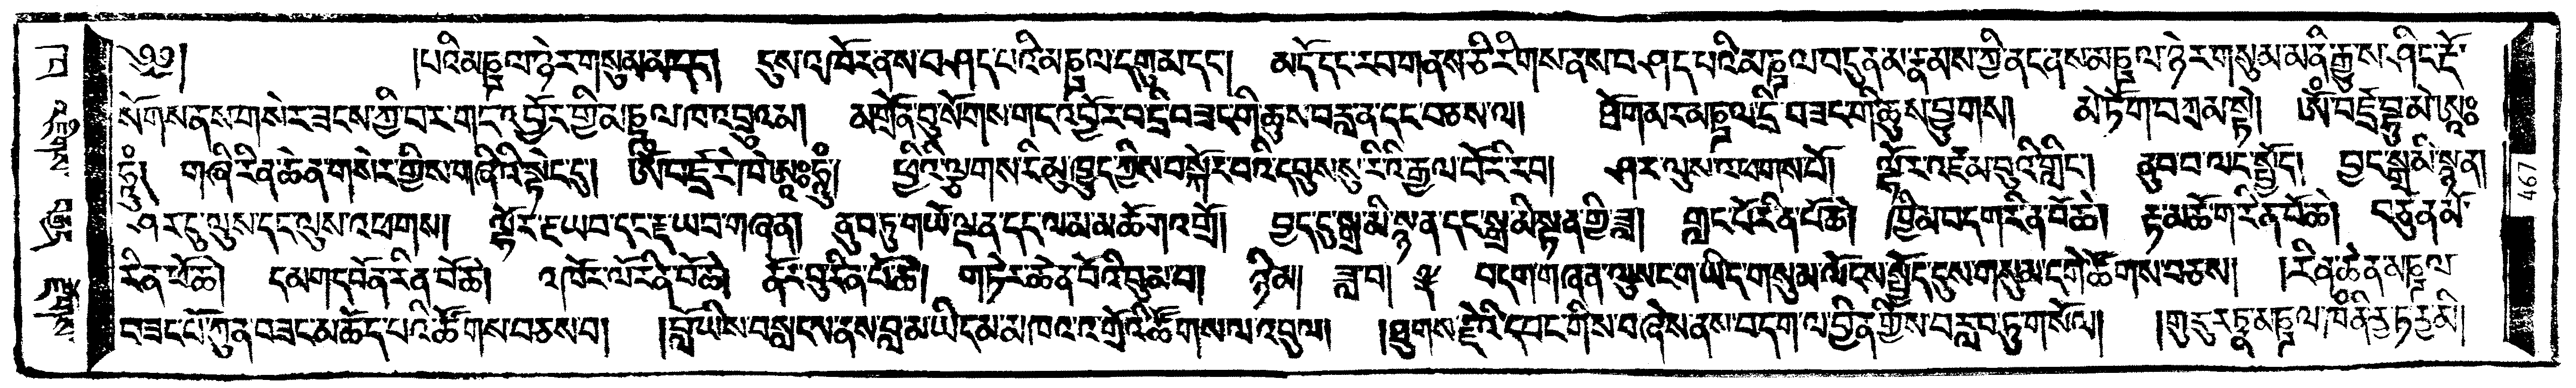༄༅། །པའི་མཎྜལ་ཉེར་གསུམ་མ་དང་། དུས་འཁོར་ནས་བཤད་པའི་མཎྜལ་དགུ་མ་དང་། མདོ་དང་རབ་གནས་ཅི་རིགས་ནས་བཤད་པའི་མཎྜལ་བདུན་མ་རྣམས་ཀྱི་ནང་ནས་མཎྜལ་ཉེར་གསུམ་མ་ནི་རྒྱུས་ཤིང་རྡོ་
སོགས་ནས་གསེར་ཟངས་ཀྱི་བར་གང་འབྱོར་གྱི་མཎྜལ་ཁ་འབྲུའམ། མགྲོན་བུ་སོགས་གང་འབྱོར་བ་དྲི་བཟང་གི་ཆུས་བརླན་དང་བཅས་ལ། ཐོག་མར་མཎྜལ་དྲི་བཟང་གི་ཆུས་བྱུགས། མེ་ཏོག་བཀྲམ་སྟེ། ཨོཾ་བཛྲ་བྷུ་མེ་ཨཱཿ
ཧཱུཾ༑ གཞི་རིན་ཆེན་གསེར་གྱིས་གཞིའི་སྟེང་དུ། ཨོཾ་བཛྲ་རེ་ཁེ་ཨཱཿཧཱུཾ། ཕྱིའི་ལྕགས་རི་མུ་ཁྱུད་ཀྱིས་བསྐོར་བའི་དབུས་སུ་རིའི་རྒྱལ་པོ་རི་རབ། ཤར་ལུས་འཕགས་པོ། ལྷོར་འཛམ་བུའི་གླིང་། ནུབ་བ་ལང་སྤྱོད། བྱང་སྒྲ་མི་སྙན།
ཤར་དུ་ལུས་དང་ལུས་འཕགས། ལྷོར་རྔ་ཡབ་དང་རྔ་ཡབ་གཞན། ནུབ་ཏུ་གཡོ་ལྡན་དང་ལམ་མཆོག་འགྲོ། བྱང་དུ་སྒྲ་མི་སྙན་དང་སྒྲ་མི་སྟན་གྱི་ཟླ། གླང་པོ་རིན་པོ་ཆེ། ཁྱིམ་བདག་རིན་པོ་ཆེ། རྟ་མཆོག་རིན་པོ་ཆེ། བཙུན་མོ་
རིན་པོ་ཆེ། དམག་དཔོན་རིན་པོ་ཆེ། འཁོར་ལོ་རིན་པོ་ཆེ། ནོར་བུ་རིན་པོ་ཆེ། གཏེར་ཆེན་པོའི་བུམ་པ། ཉི་མ། ཟླ་བ། ༈ བདག་གཞན་ལུས་ངག་ཡིད་གསུམ་ལོངས་སྤྱོད་དུས་གསུམ་དགེ་ཚོགས་བཅས། །རིན་ཆེན་མཎྜལ་
བཟང་པོ་ཀུན་བཟང་མཆོད་པའི་ཚོགས་བཅས་པ། །བློ་ཡིས་བསླངས་ནས་བླ་མ་ཡི་དམ་མཁའ་འགྲོའི་ཚོགས་ལ་འབུལ། །ཐུགས་རྗེའི་དབང་གིས་བཞེས་ནས་བདག་ལ་བྱིན་གྱིས་བརླབ་ཏུ་གསོལ། །གུ་རུ་རཏྣ་མཎྜལ་ཁཾ་ནི་རྱ་ཏ་རྱ་མི།